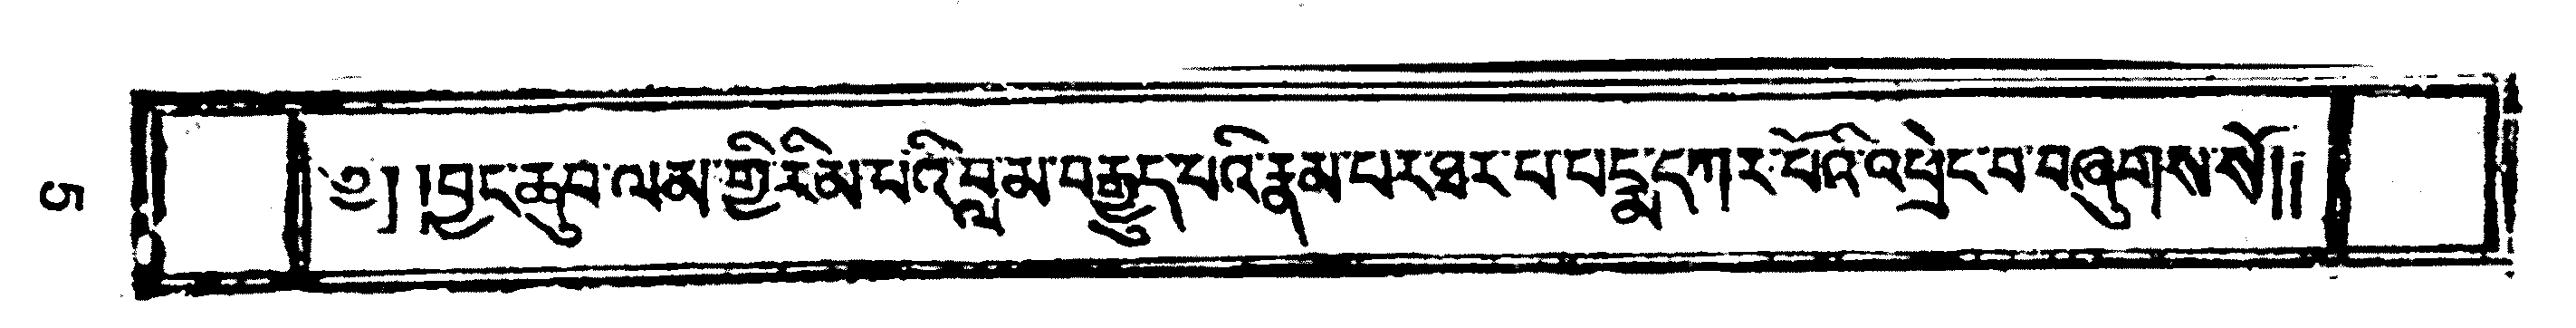༄༅། །བྱང་ཆུབ་ལམ་གྱི་རིམ་པའི་བླ་མ་བརྒྱུད་པའི་རྣམ་པར་ཐར་པ་པདམ་དཀར་པོའི་འཕྲེང་བ་བཞུགས་སོ། །